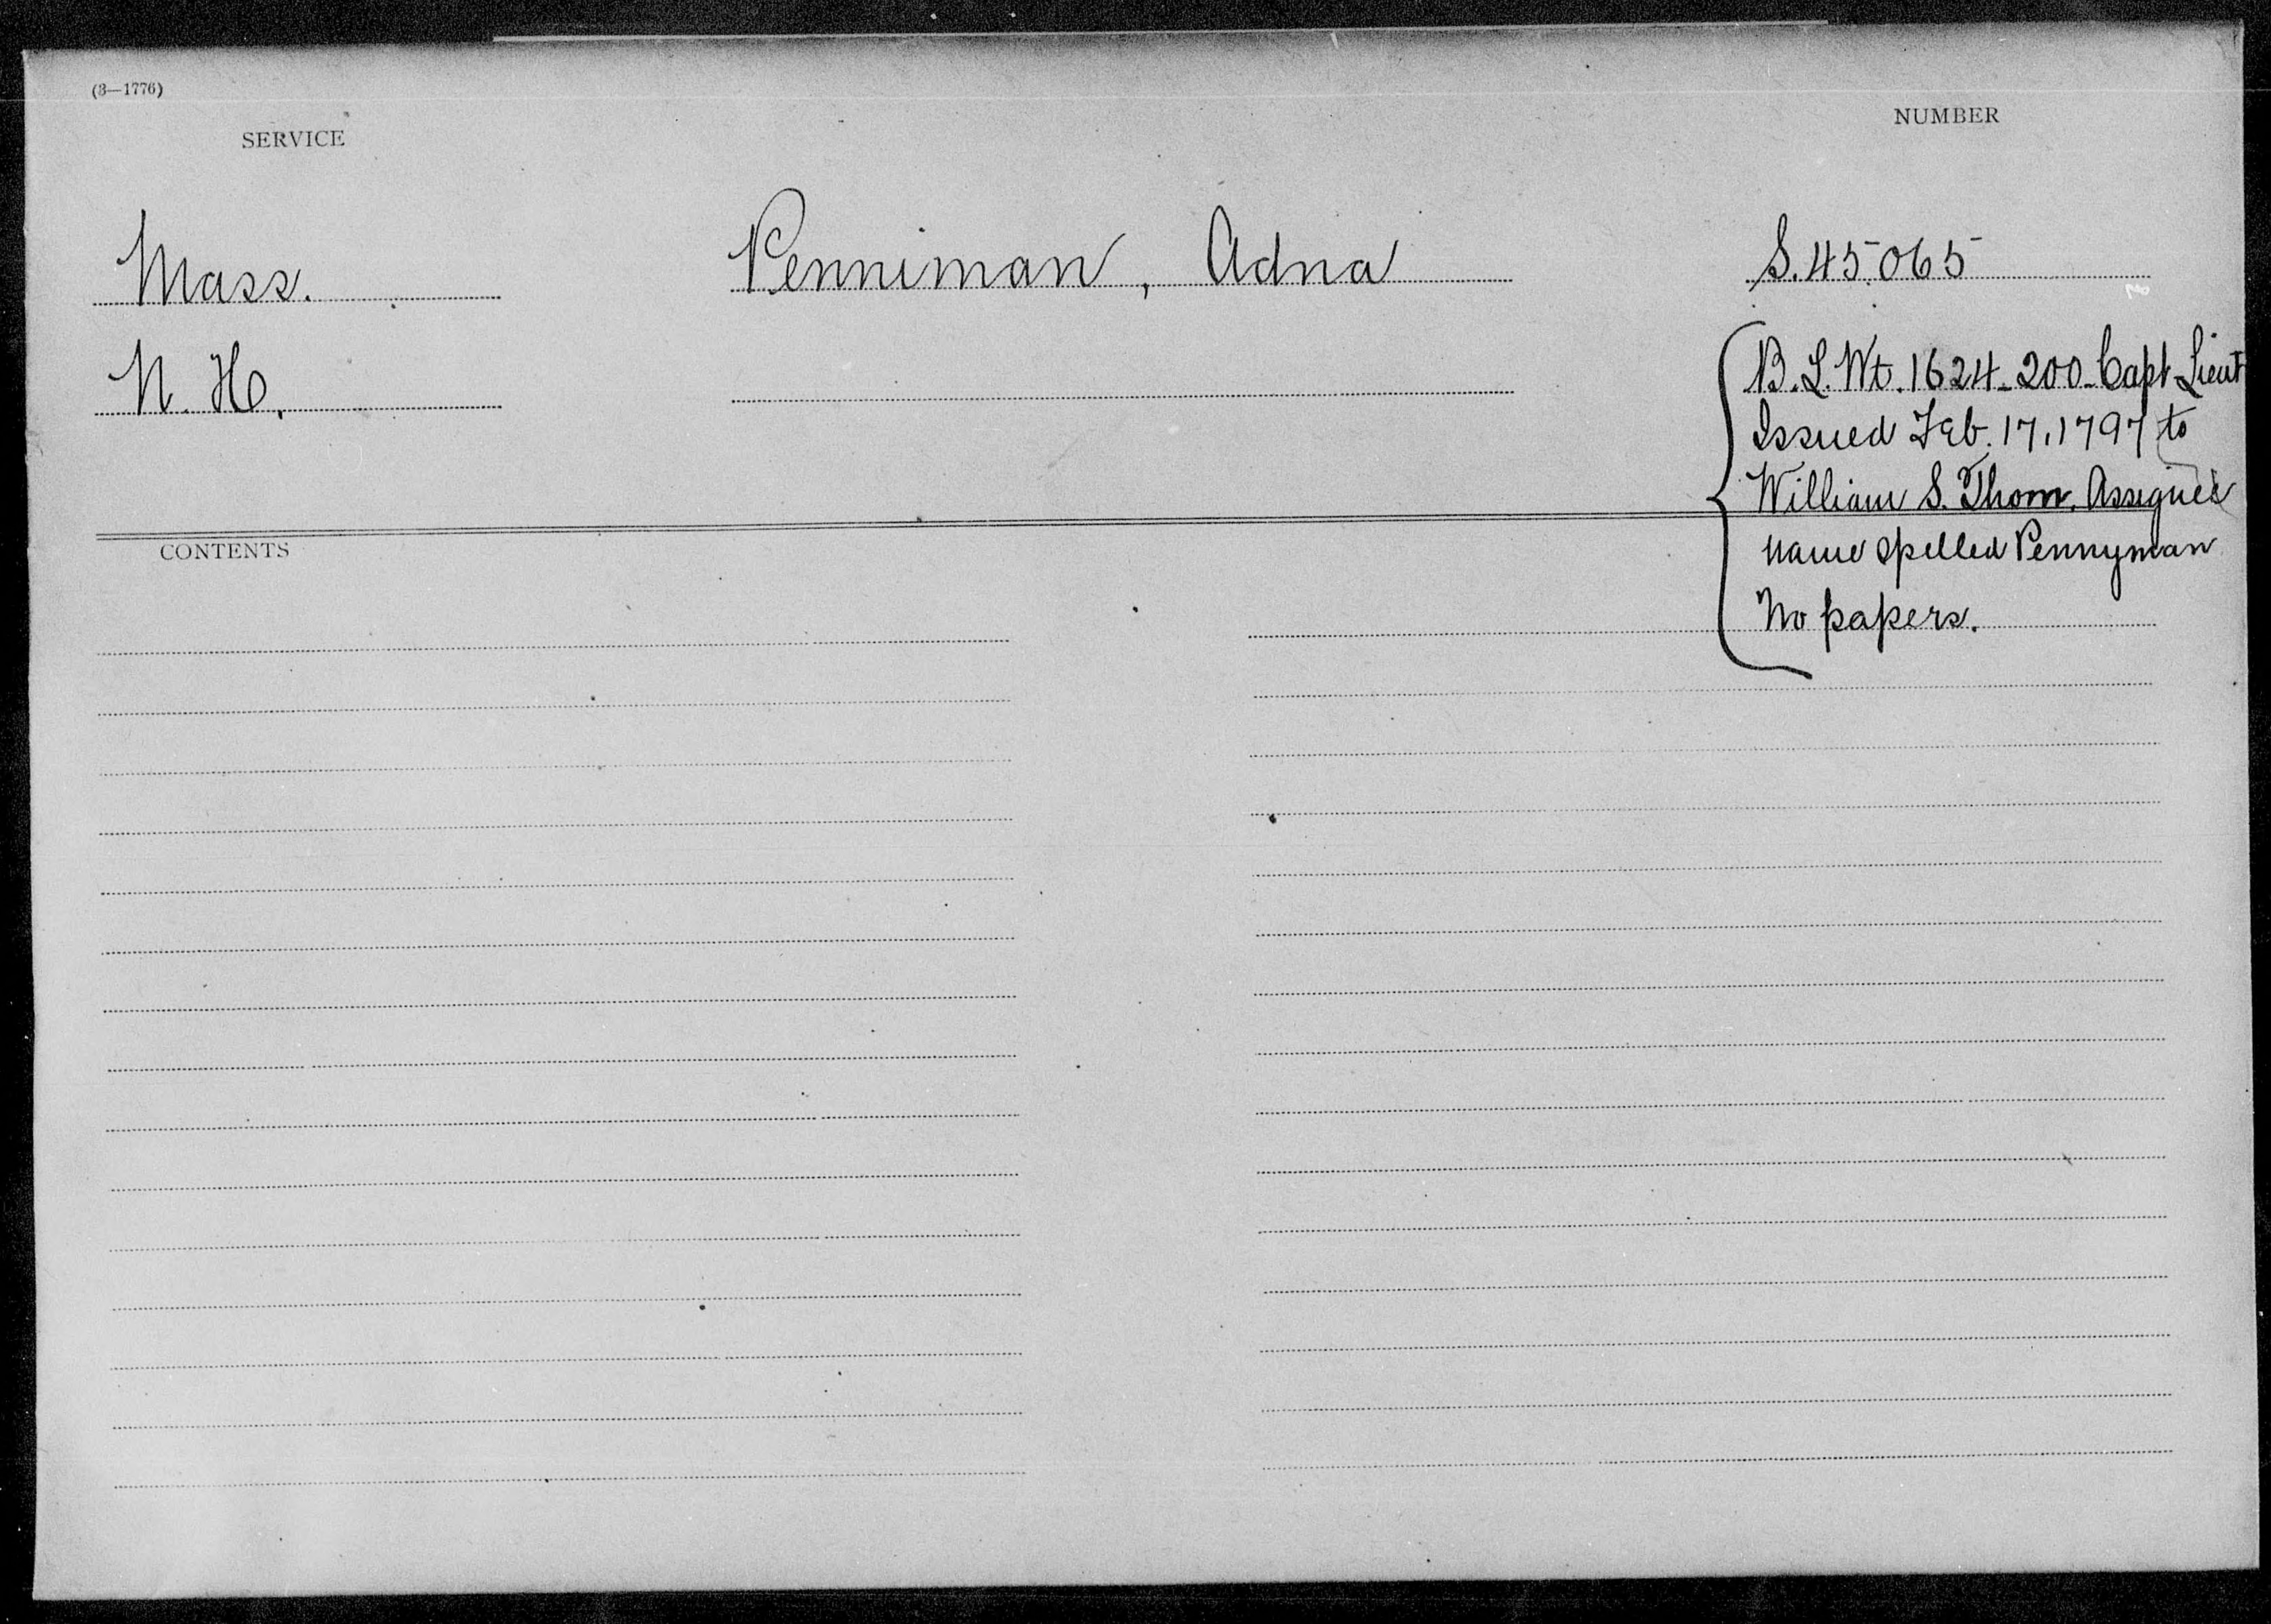(3-1776)

SERVICE.                              NUMBER

Mass.    Penniman, Adna      S.H.5065
 N.H.                                        {B.L. Wt.1624.200 Capt Lieut
Issued Feb. 17.1797 to
William S. Thom, Assignee
name spelled Pennyman
No papers.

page: 1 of 13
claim: survivor's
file: S. 45065, for Adna Penniman, Massachusetts